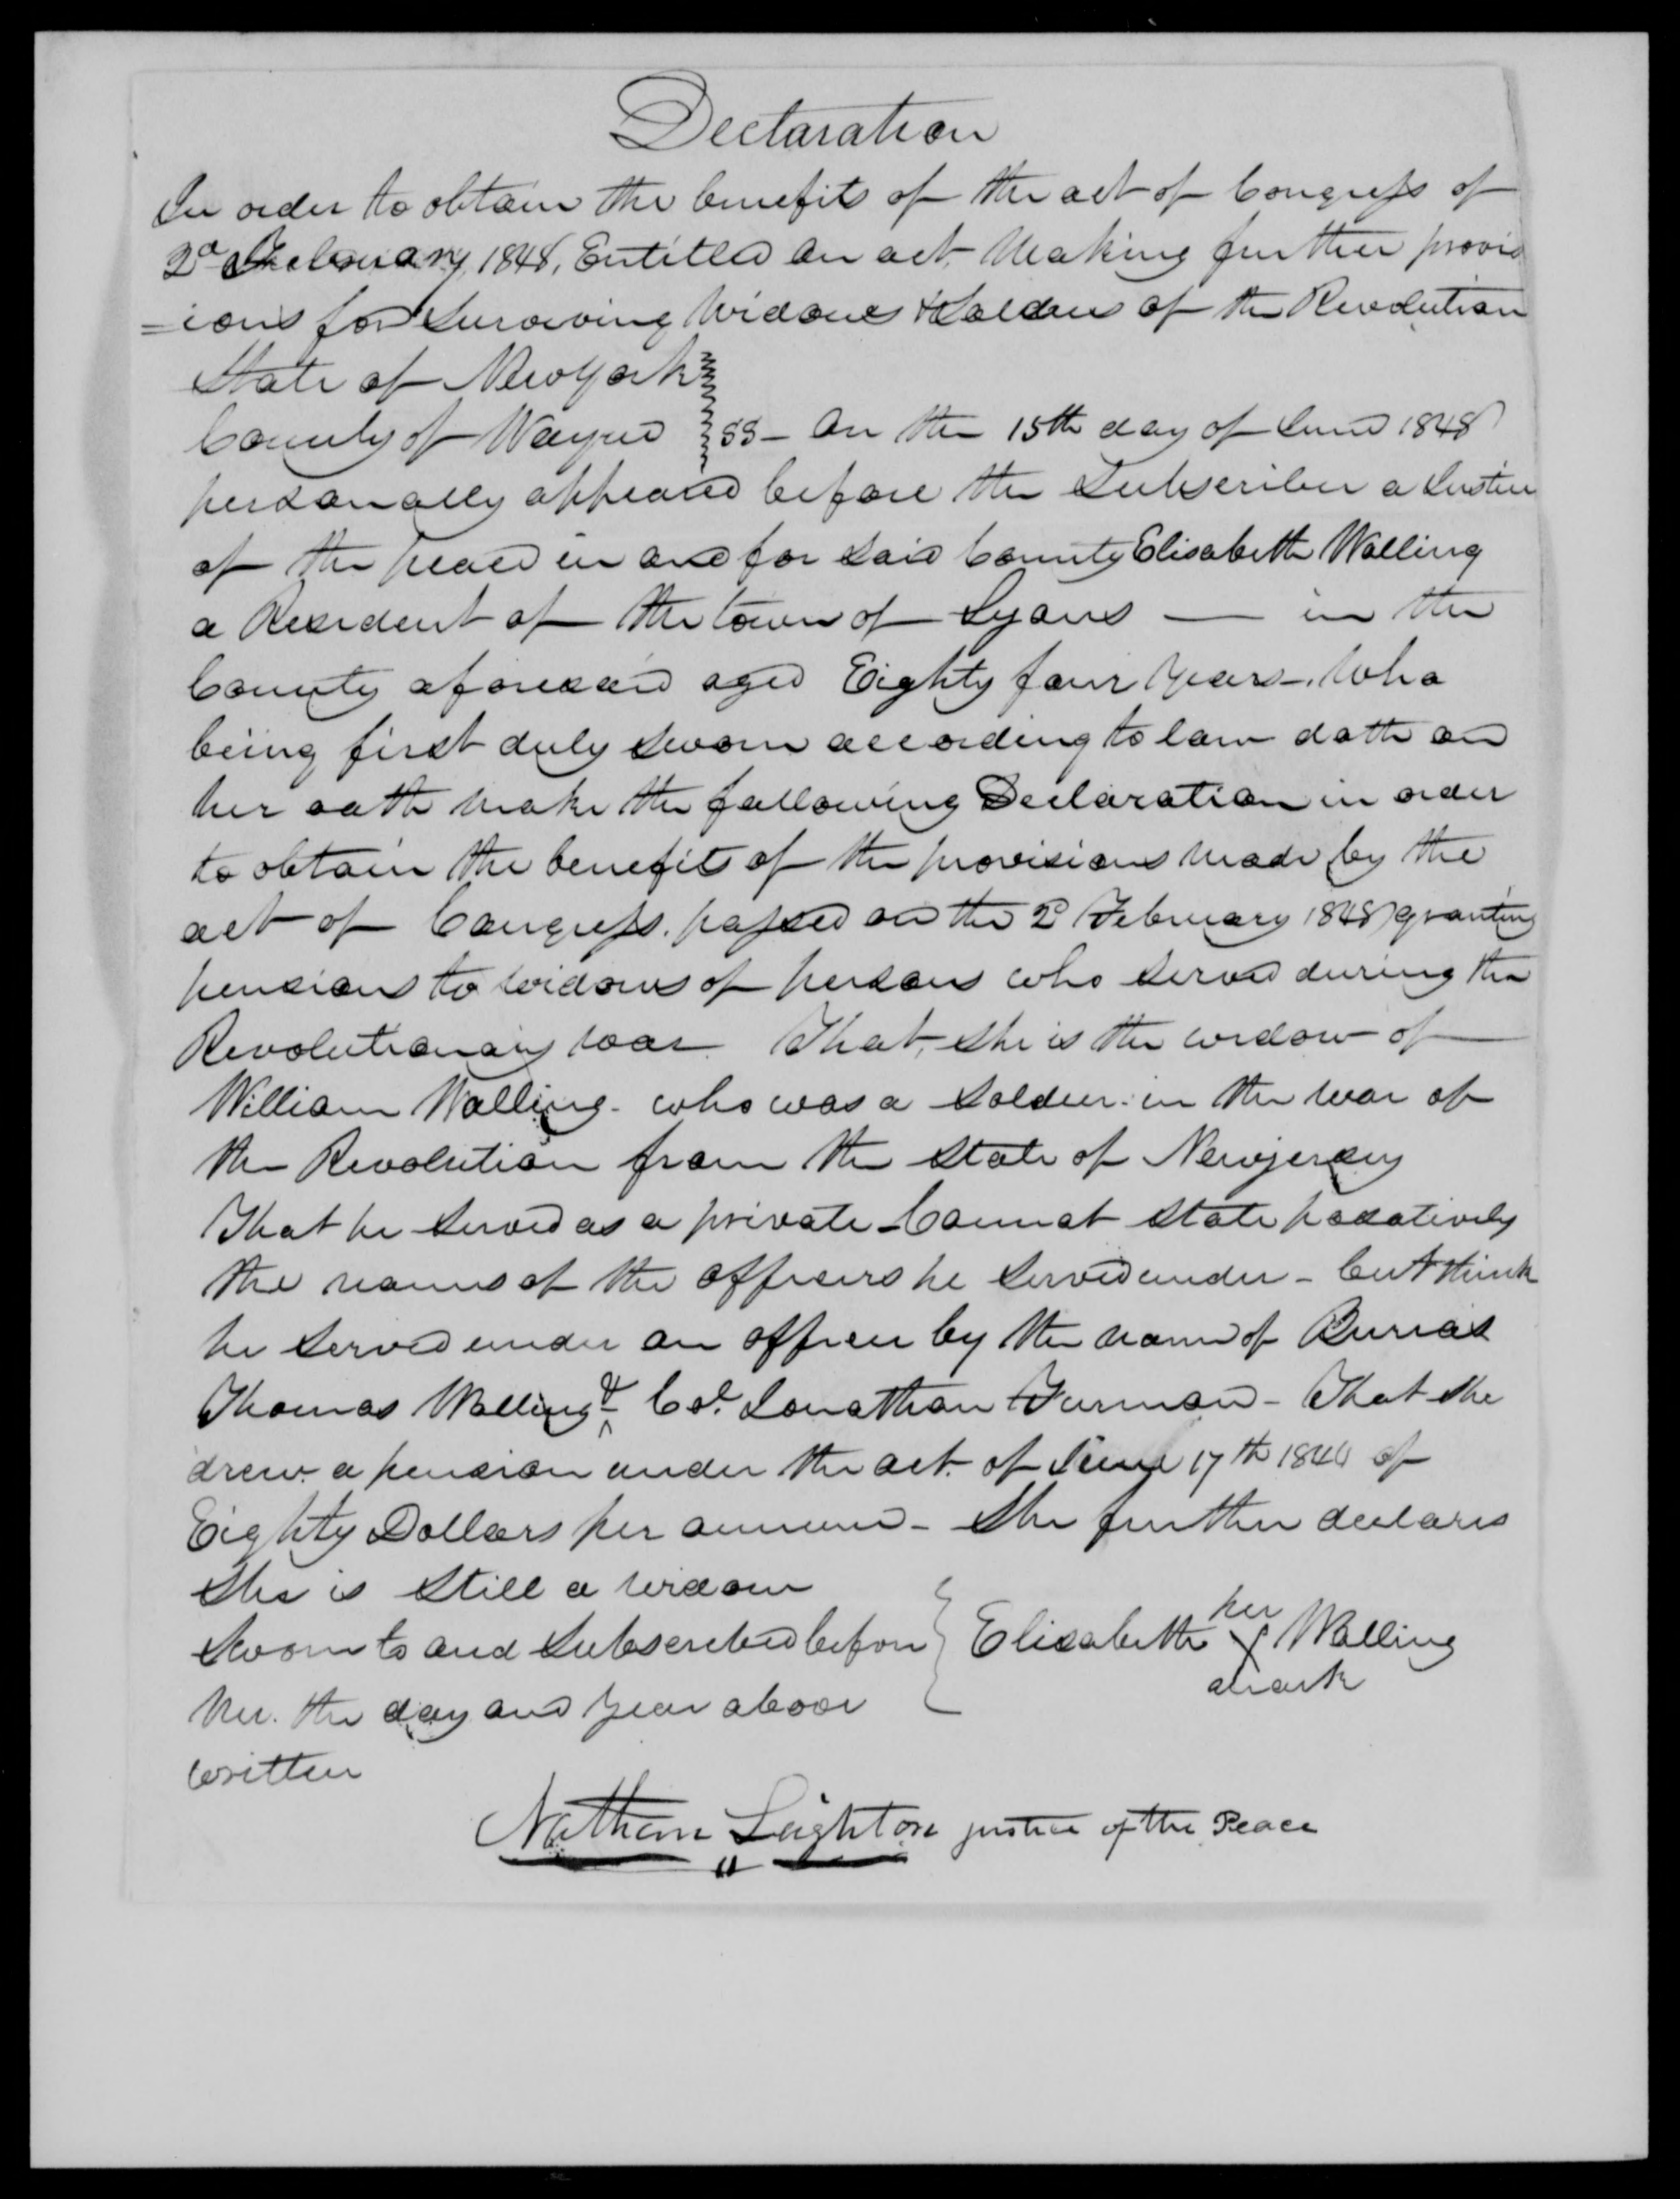Declaration
In order to obtain the benefits of the act of Congress of 2d February 1848, Entitled as an act making further provisions for surviving widows of the Revolution State of New York, County of Wayne.  On the 15th day of June 1848 personally appeared before the subscriber a Justice of the Peace in and for said county Elisabeth Walling a resident of the town of Lyons in the county aforesaid aged eight four years who being first duly sworn according to law doth on her oath make the following Declaration in order to obtain the benefits of the provisions made by the act of Congress passed on the 2d February 1848 granting pensions to widows of husbands who served during the Revolutionary War.  That she is the widow of William Walling who was a soldier in the war of the Revolution from the State of New Jersey that he served as a private cannot state positively the names of the officers he served under but thinks he served under an officer by the name of Burias Thomas Walling & Col. Jonathan Forman. That he drew a pension under the act of June 17th 1840 of Eighty Dollars per annum.  She further declares this is still a widow.  Sworn to and Subscribed before me this day and year above written.  Elisabeth Walling (her mark X) Nathan Leighton Justice of the Peace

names: Jonathan Furman, Elisabeth Walling, Thomas Walling, Elisabeth Walling, William Walling, Nathan Leighton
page: 32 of 66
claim: widow's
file: W. 19588, William Walling, New Jersey